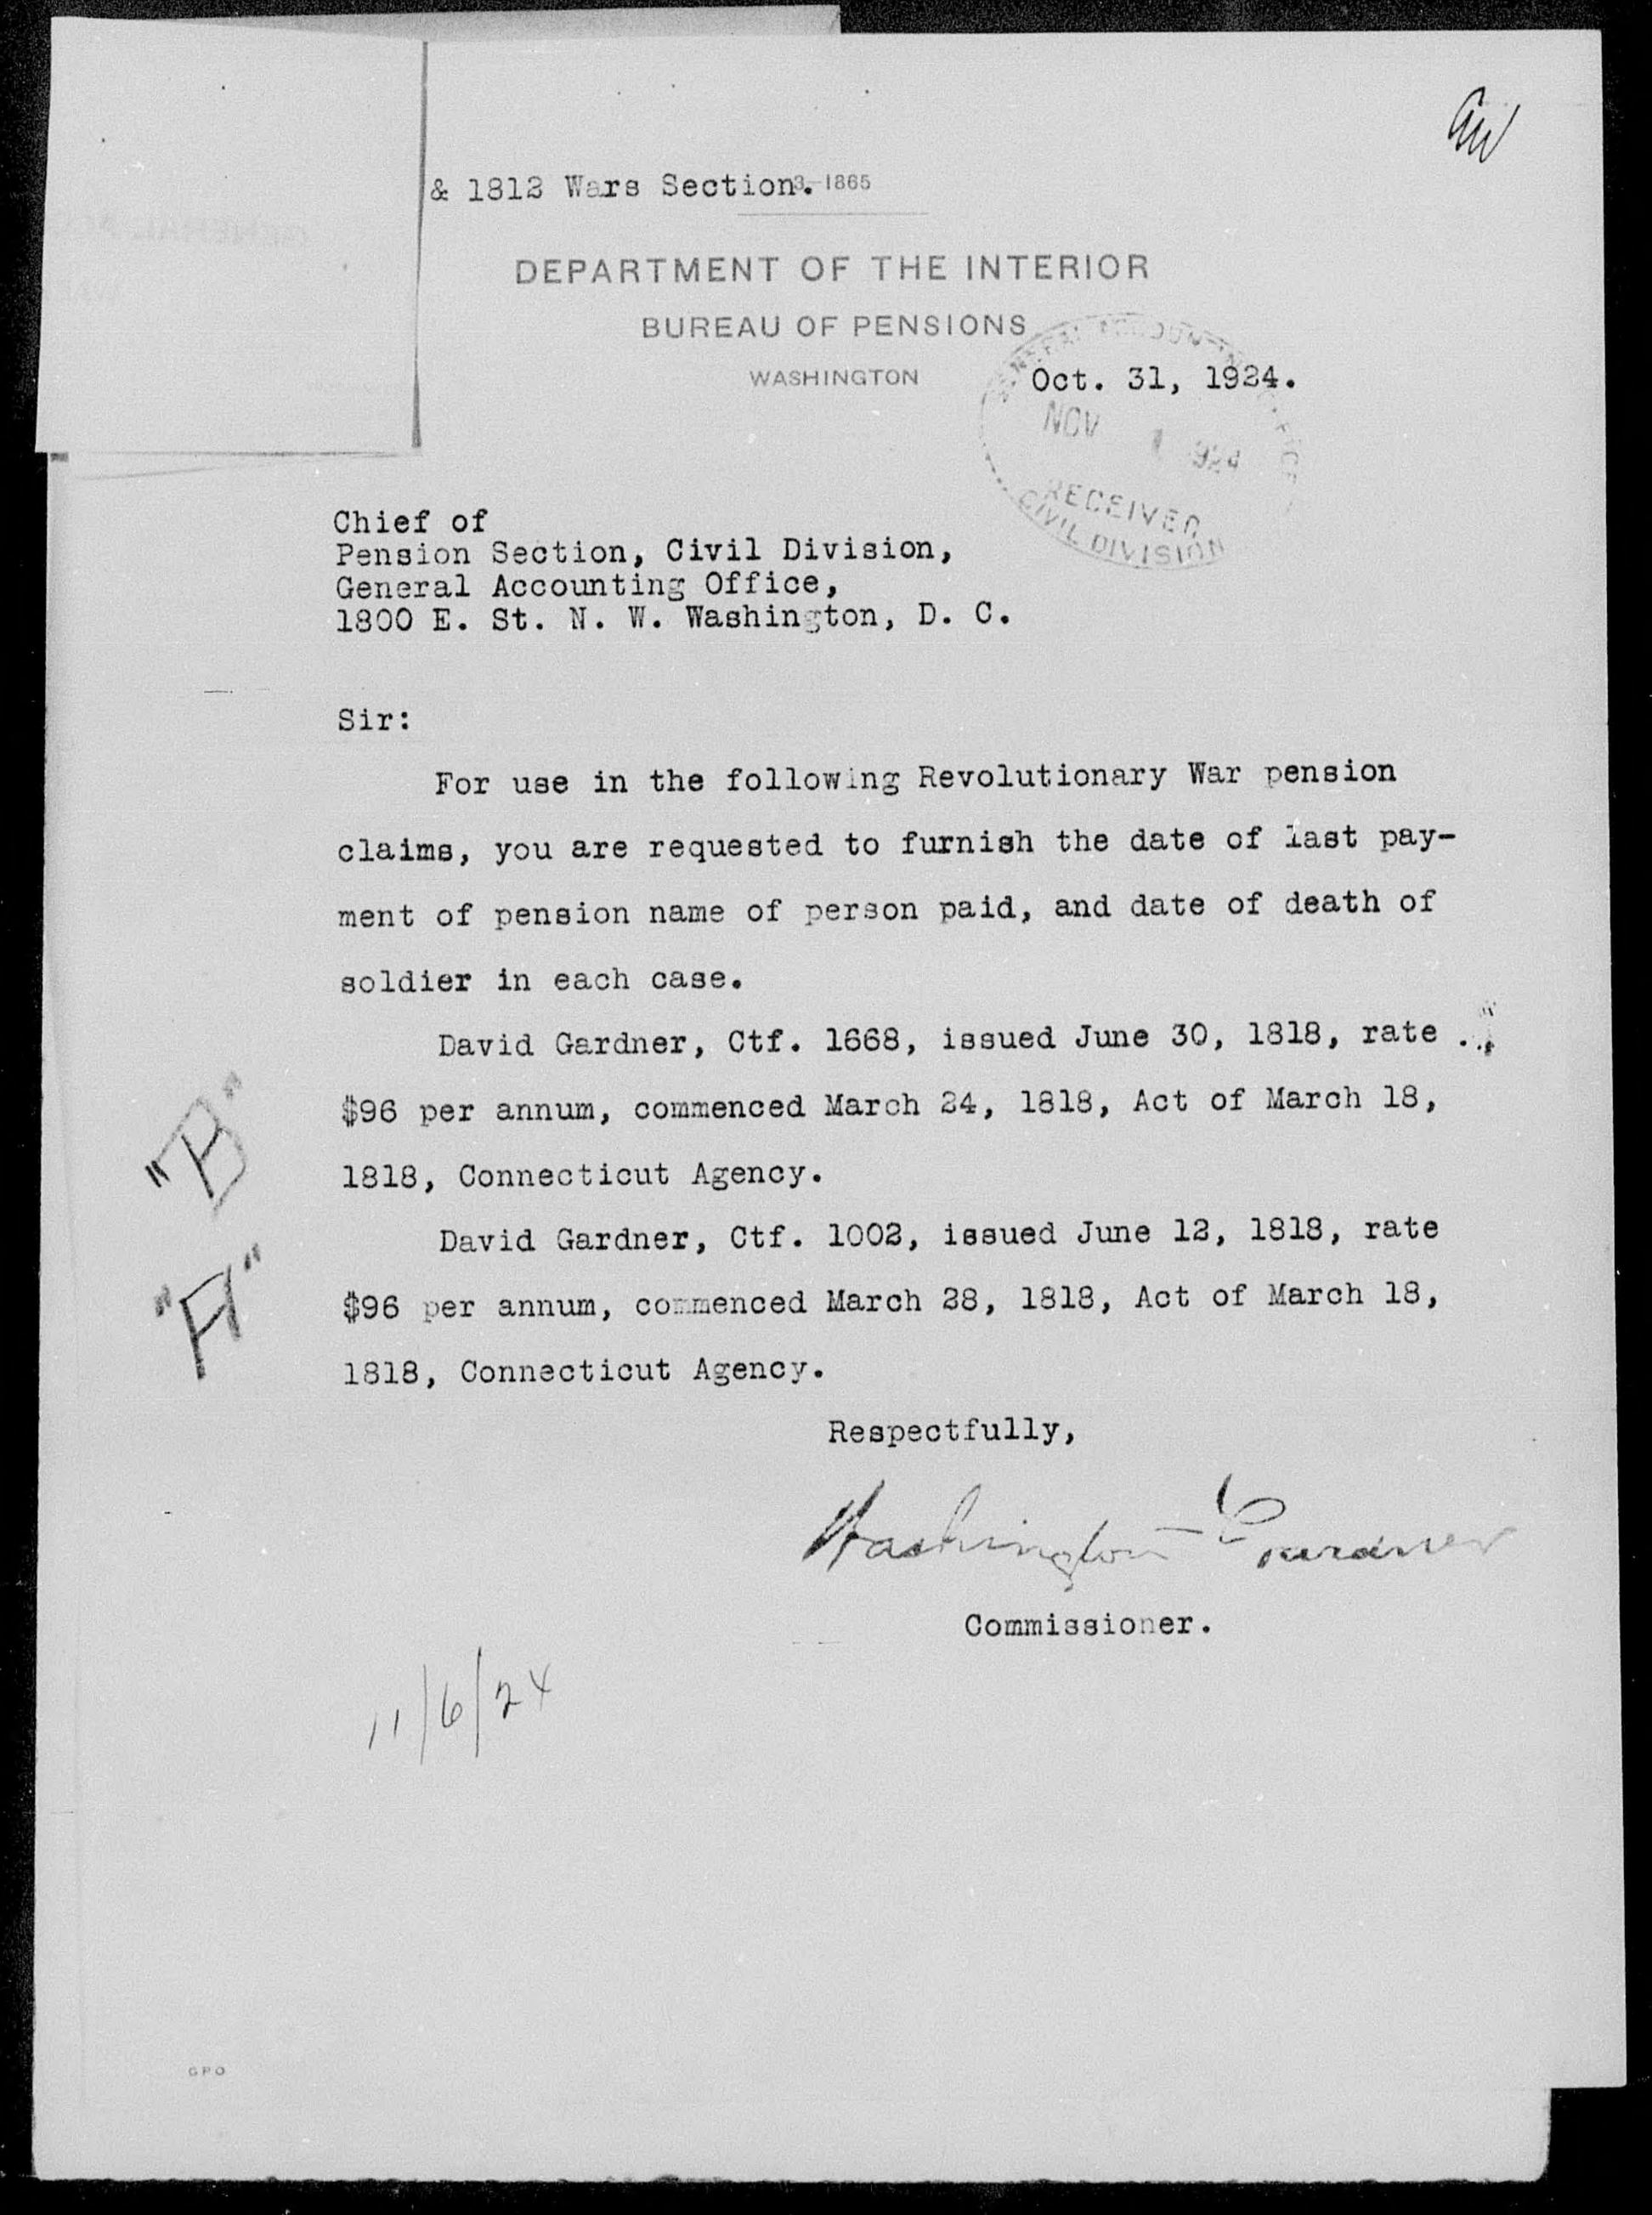& 1812 wars section .3-1865                          
department of the interior 
bureau of pensions
Washington
Oct.  31, 1924.
(Stamped: Nov 1924 Received Civil Division) 
Chief of 
Pension Section, Civil Division,
General Accounting Office,
1800 E. St. N. W. Washington, D. C.

Sir:
For use in the following Revolutionary War pension claims, you are requested to furnish the date of last payment of pension name of person paid, and date of death of soldier in each case.
David Garner, Ctf. 1668, issued June 30, 1818, rate . $96 per annum, commenced March 24, 1818, Act of March 18,  1818, Connecticut Agency.
David Gardner, Ctf. 1002, issued June 12, 1818, rate $96 per annum, commenced March 28, 1818, Act of March 18, 1818, Connecticut Agency.
Respectfully,
Washington Gardner
Commissioner.

(on Margin: B"  A")
gpo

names: David Gardner, Washington Gardner, David Gardner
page: 47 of 66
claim: widow's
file: W 1850, David Gardner, Conn.